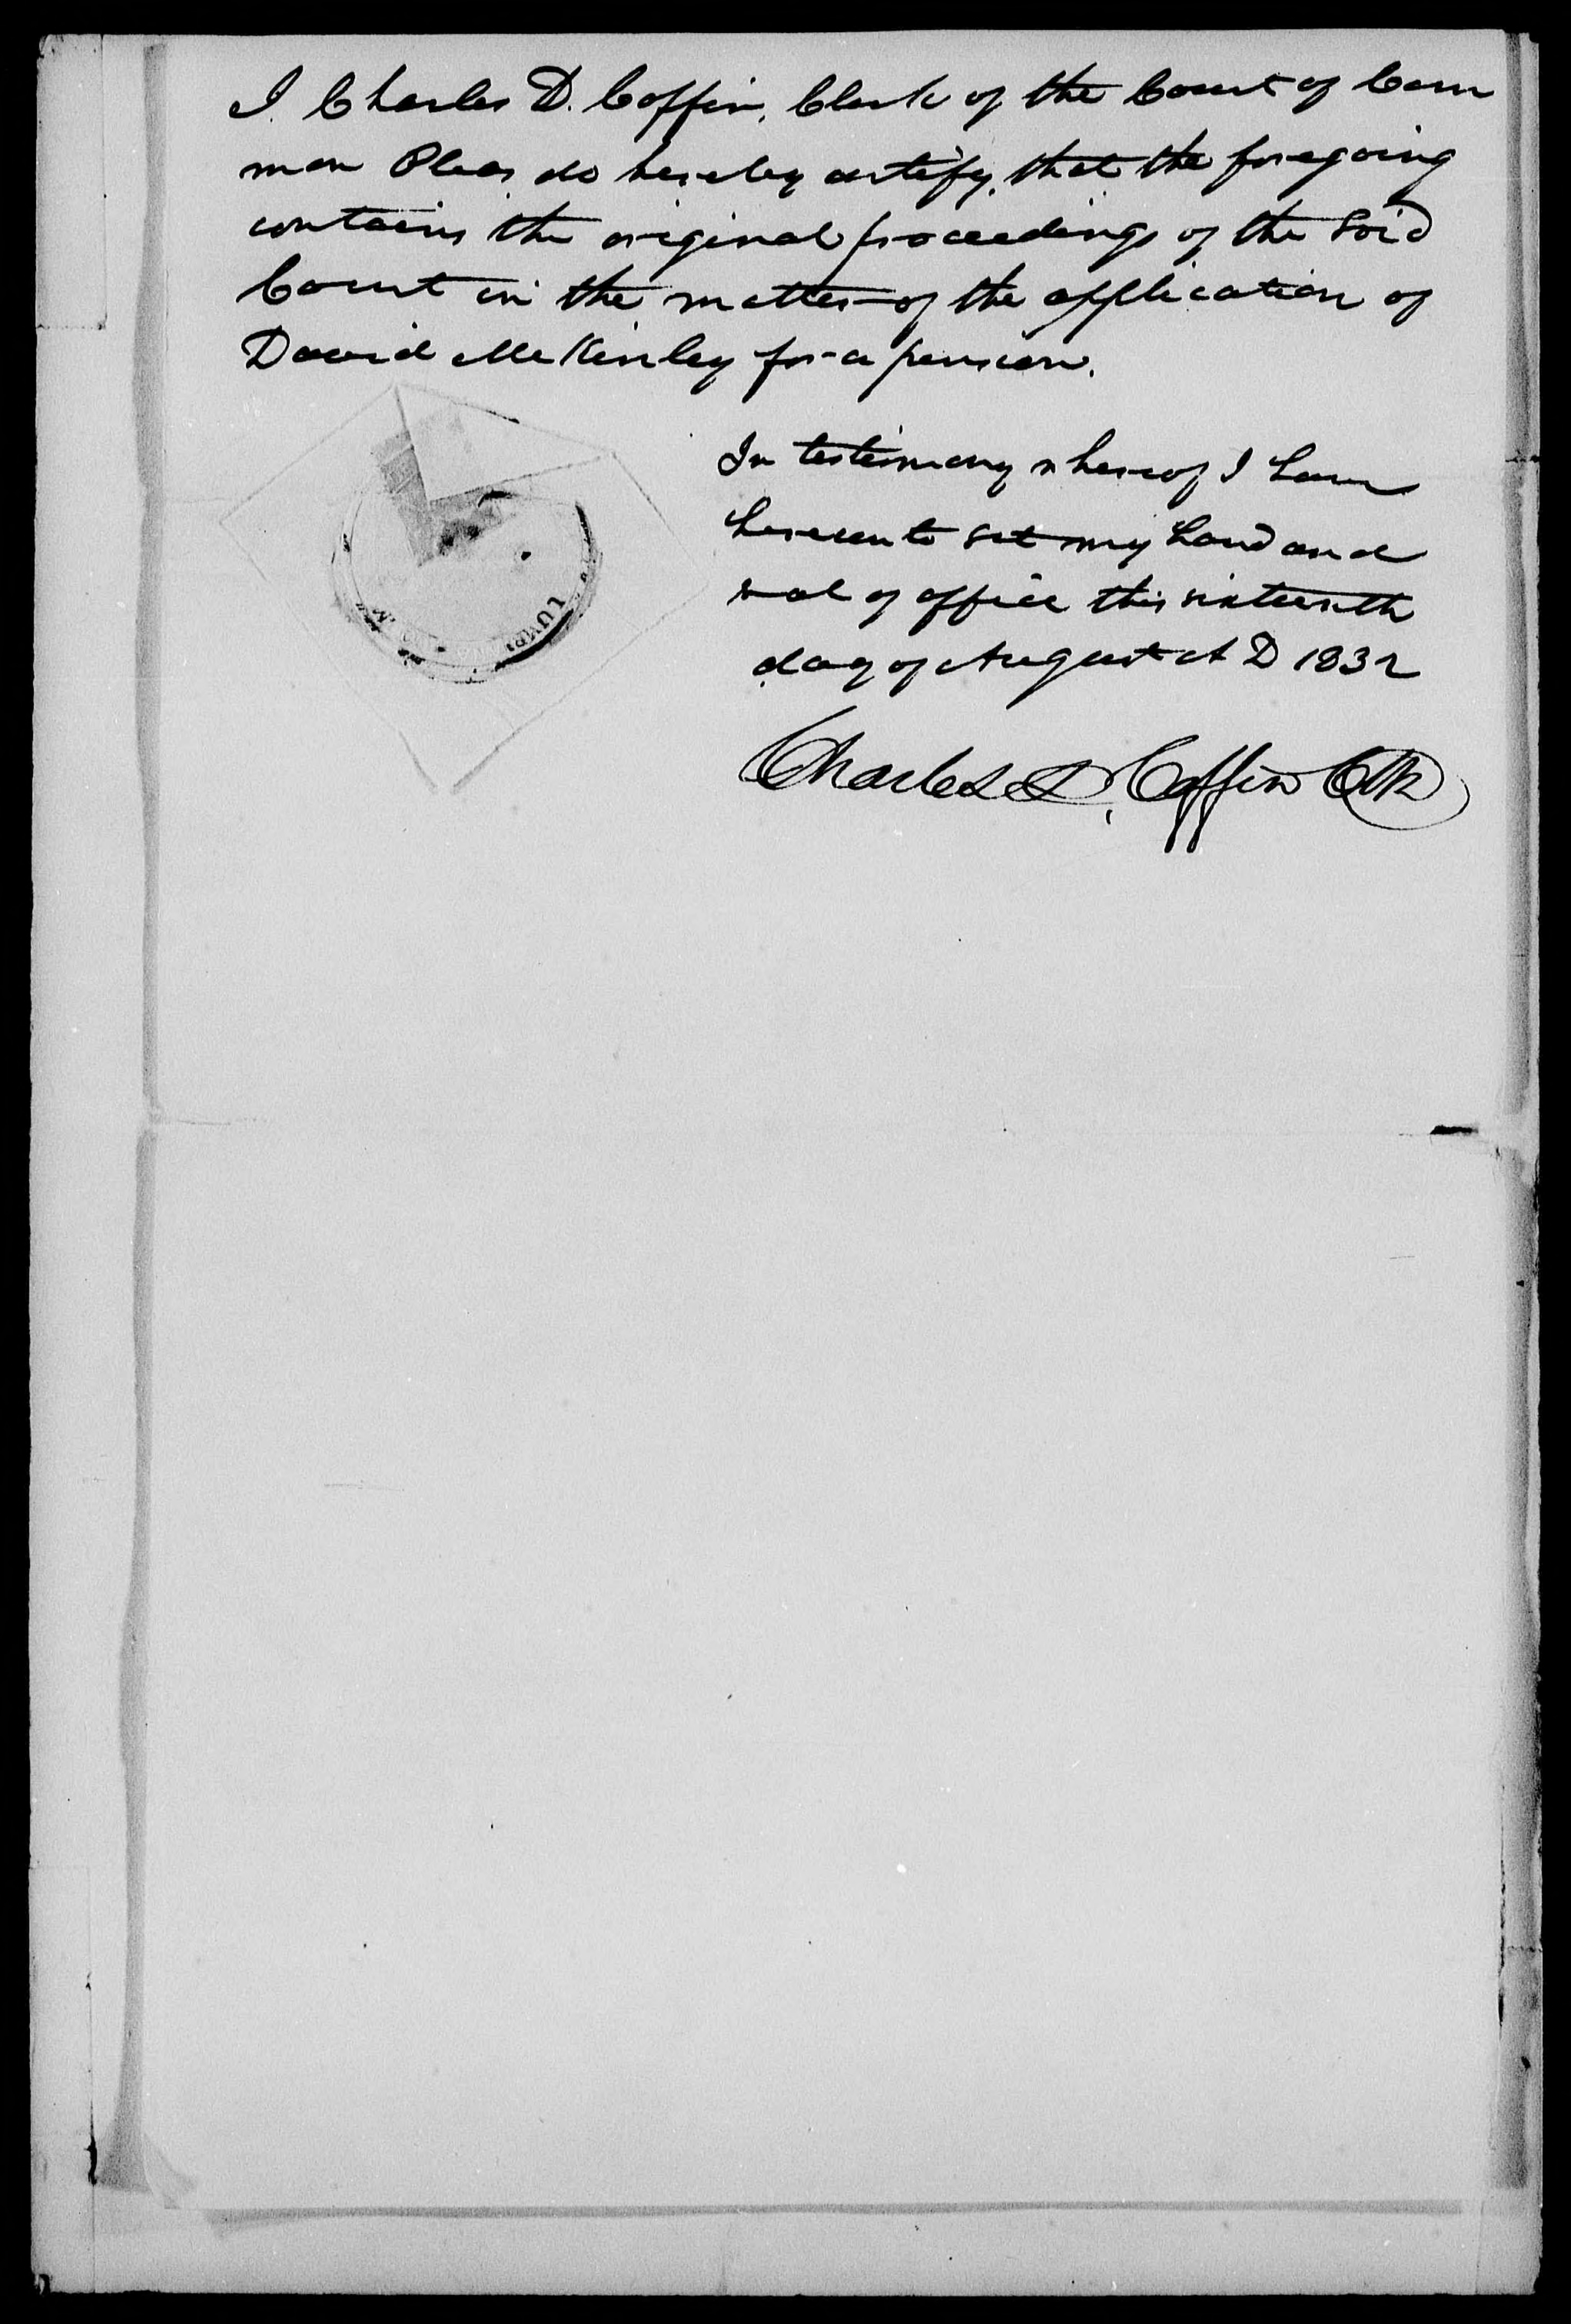I Charles D. Coffin, Clerk of the Court of Common
Pleas do hereby certify that the foregoing
contains the original proceedings of the said
Court in the matter of the application of
David Mckinley for a pension.

In testimony whereof I have
hereunto set my hand and
seal of office this sixteenth
day of August AD 1832
Charles D Coffin Clk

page: 12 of 39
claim: survivor's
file: S. 2812, for David Mc Kinley, Pennsylvania